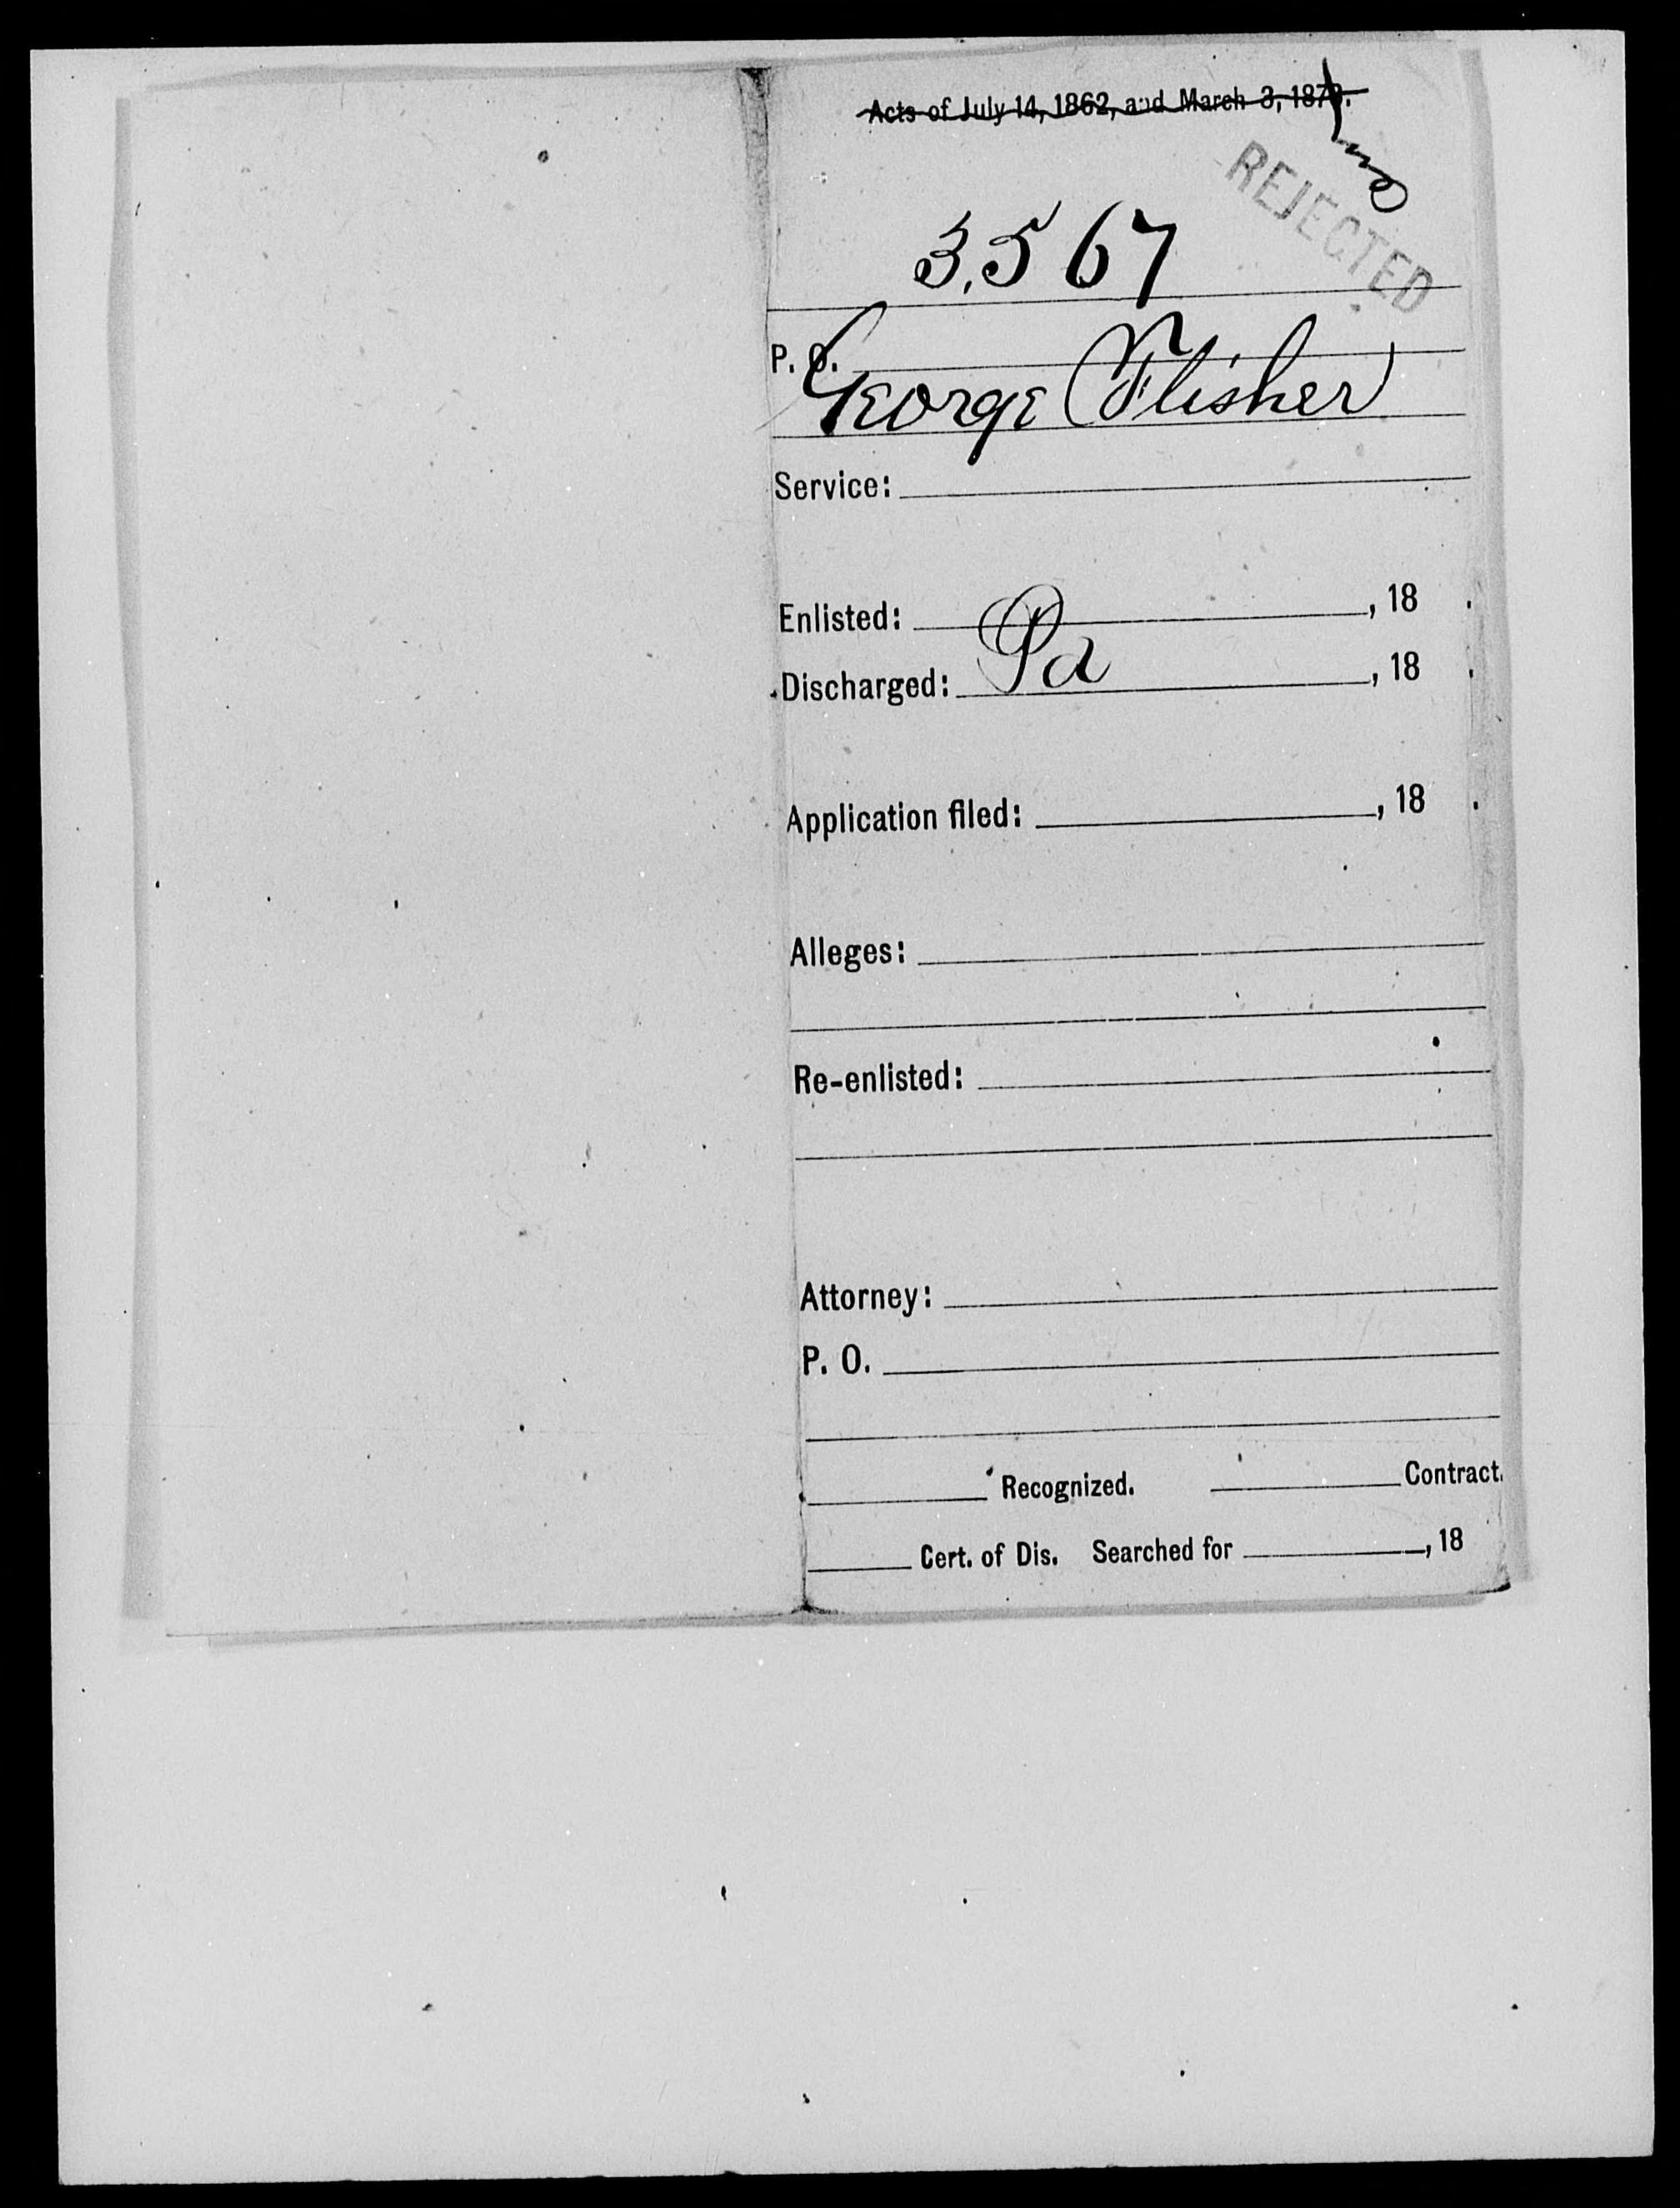3567
Rejected

P.O. George Flisher

Service:

Enlisted:
Discharged:   Pa

Application filed:
Alleges:
Re-enlisted:
Attorney:
P.O.:

______Recognized.   ______Contract.
_____Cert. of Dis.  Searched for _______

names: George Flisher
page: 2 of 7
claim: rejected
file: R. 3,567, Flisher George, Penn.